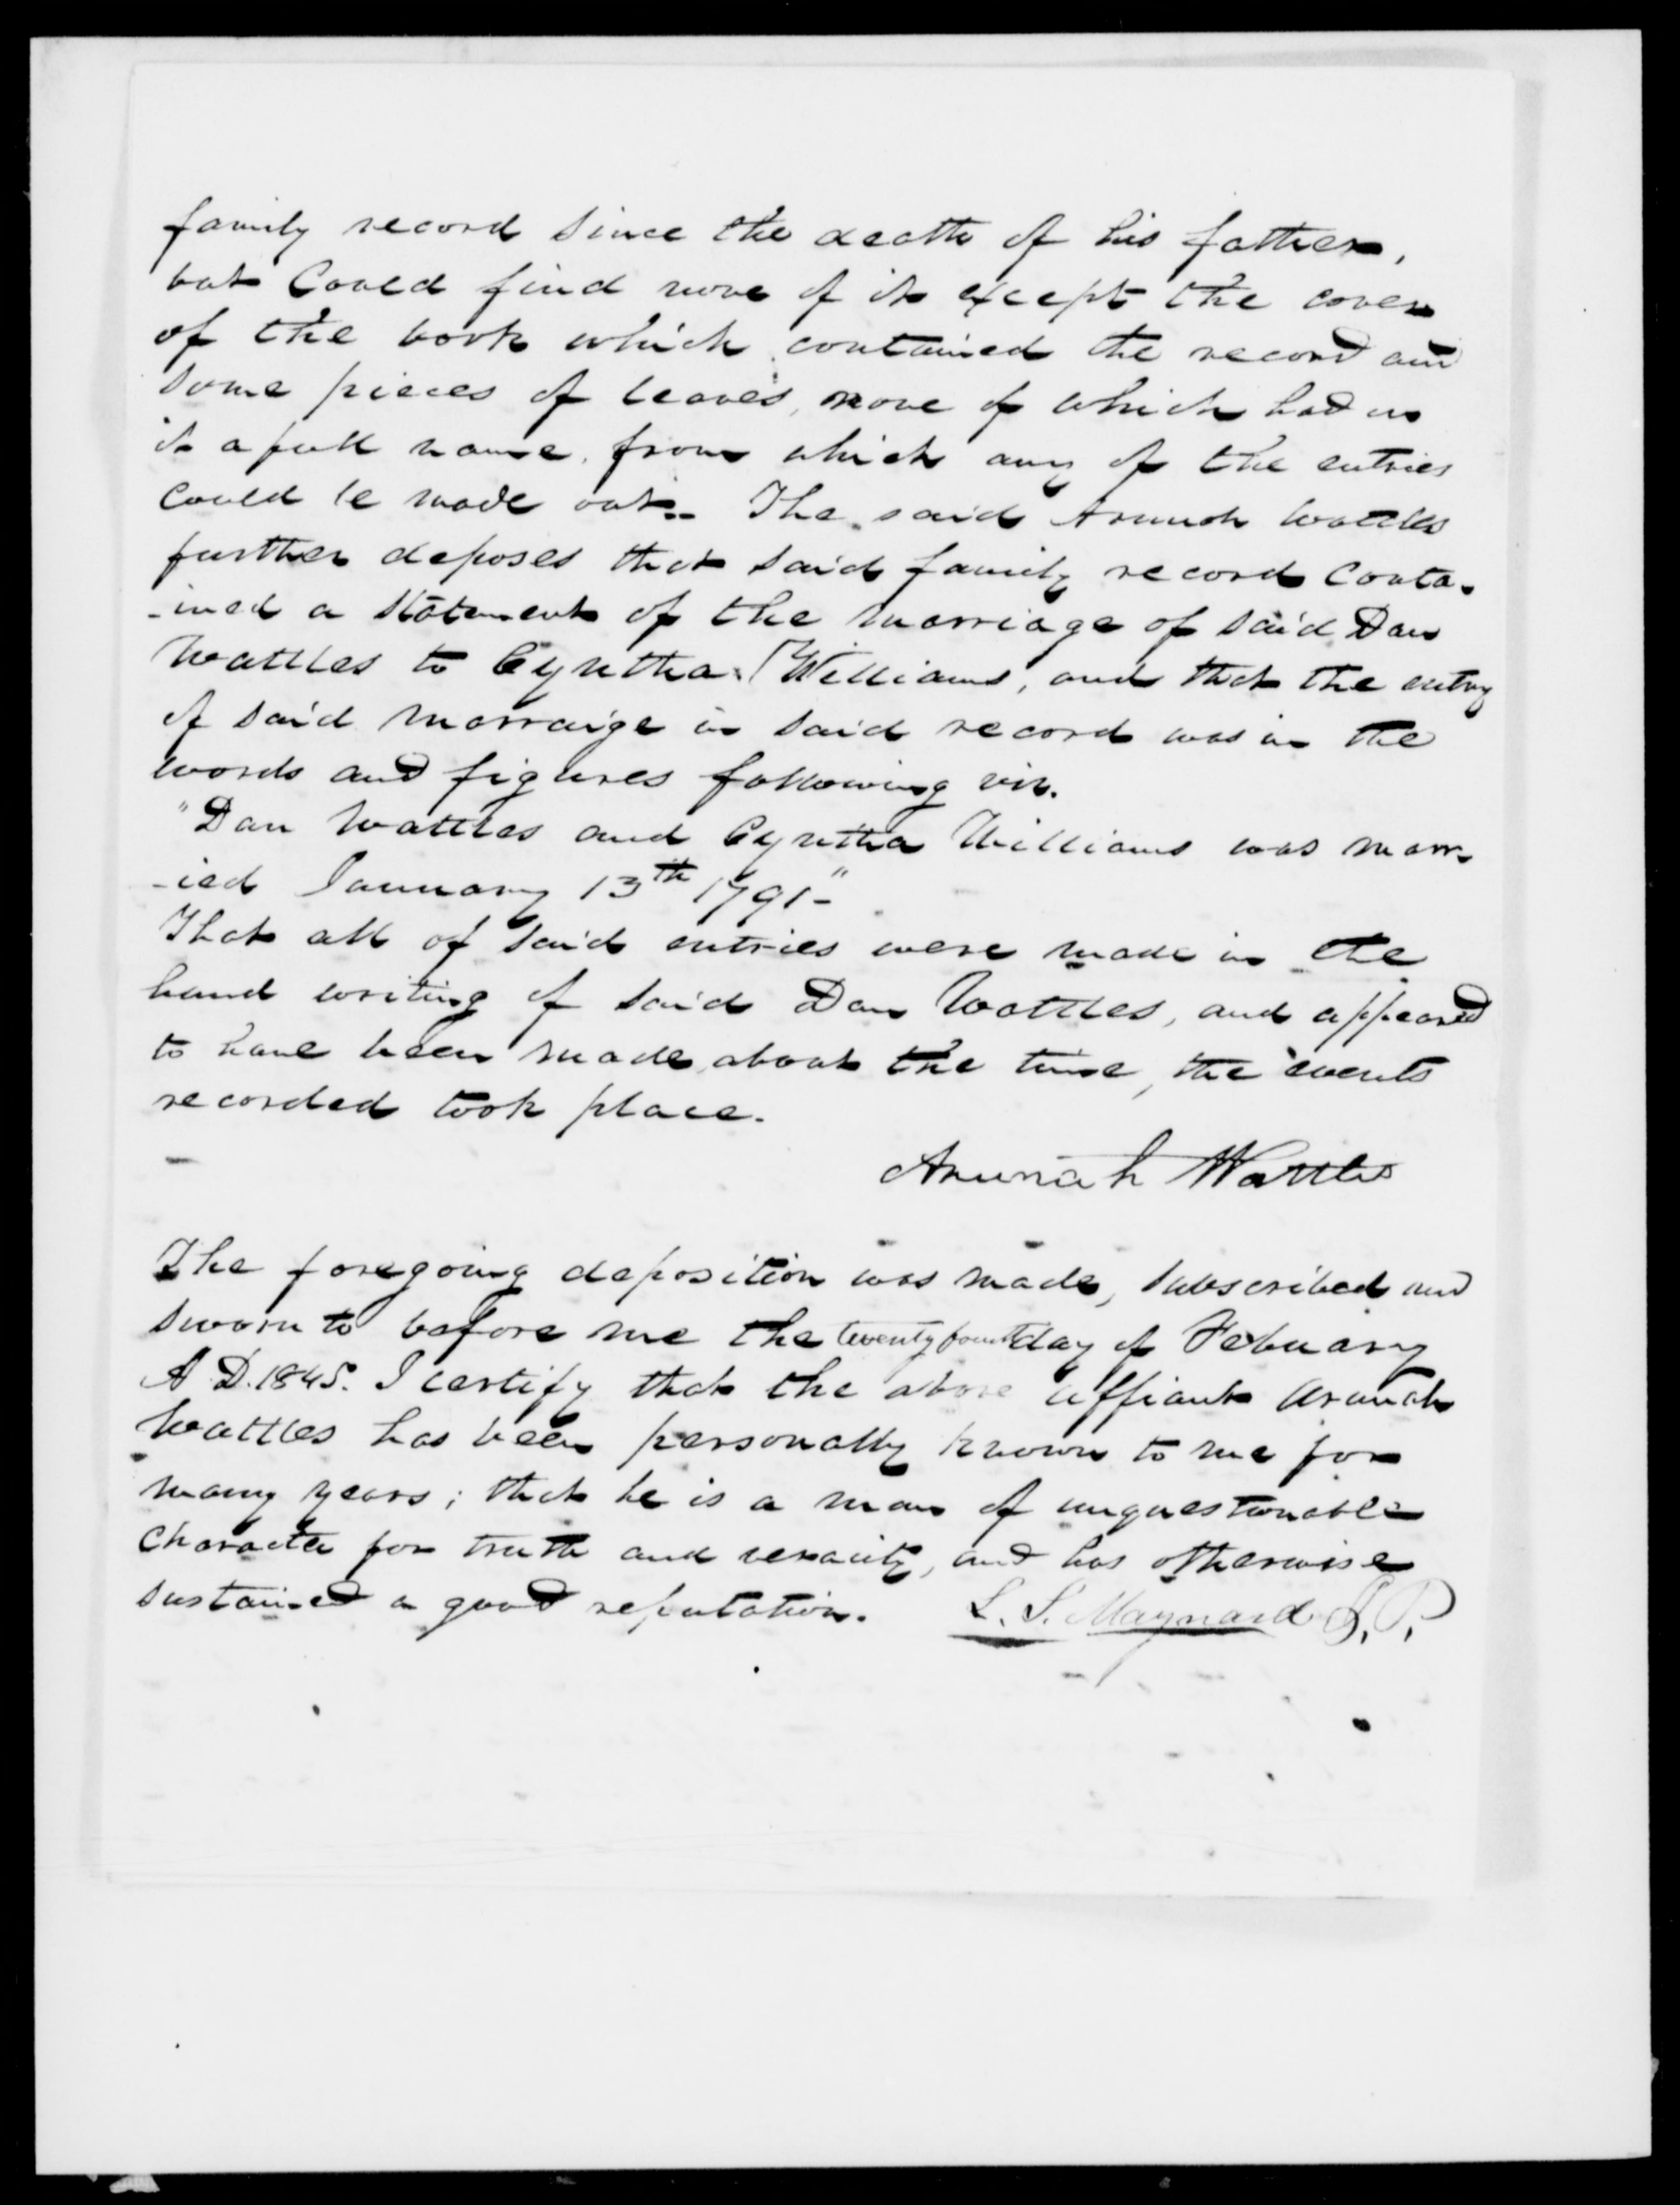family record since the death of his father but could find none of it except the cover of the book which contained the record and some pieces of leaves, none of which had in  it a full name from which any of the entries could be made out. The said Arunah Wattles further deposes that said family records contained a statement of the marriage of said Dan Wattles to Cyntha Williams, and that the entry of said marriage in said records was in the words and figures following viz.

"Dan Wattles and Cyntha Williams was married January 13th 1791-"
That all of said entries were made in the hand writing of said Dan Wattles, and appeared to have been made about the time the events recorded took place
Arunah Wattles

The foregoing deposition was made, subscribed and Sworn to before me the twenty fourth day of February A.D. 1845. I certify that the above affiant Arunah Wattles has been personally known to me for many years; that he is a man of unquestionable character for truth and veracity, and has otherwise sustained a good reputation.
L. S. Maynard J. P.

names: Cyntha Williams, Dan Wattles, Arunah Wattles, L S Maynard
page: 9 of 70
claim: widow's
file: W. 3743, Dan Wattles, Conn.